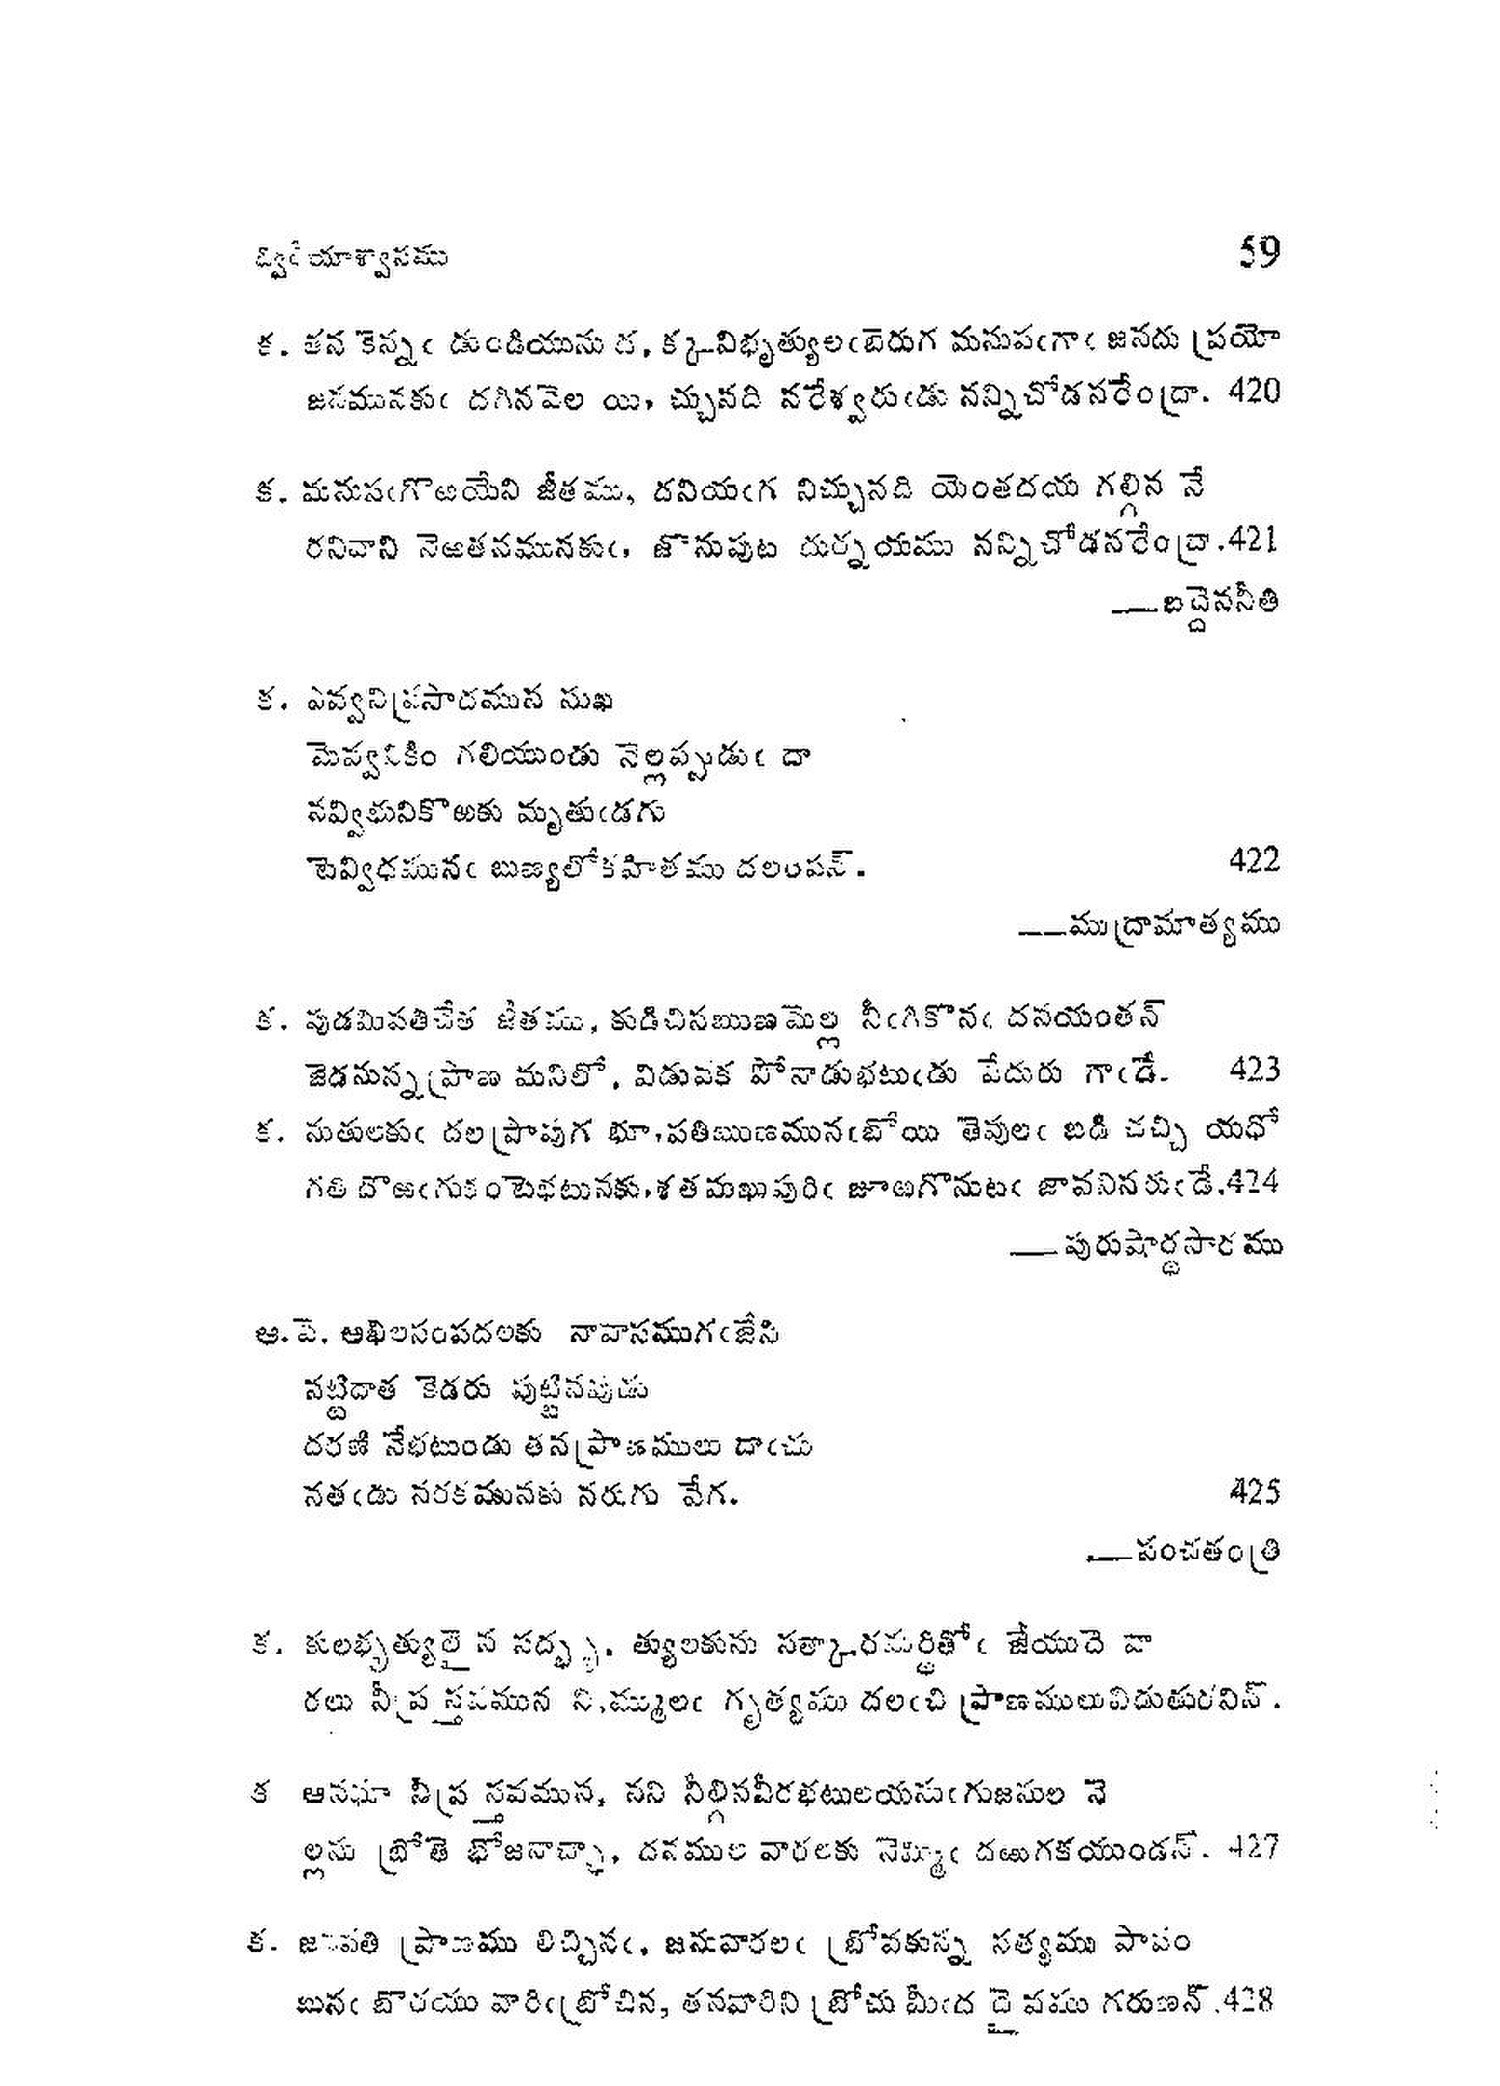క. తన కెన్నఁ డుండియును ద
క్కనిభృత్యులఁ బెరుగ మనుపఁగాఁ జనదు ప్రయో
జనమునకుఁ దగినవెల యి
చ్చునది నరేశ్వరుఁడు నన్నిచోడనరేంద్రా 420

క. మనుపఁగొరయేని జీతము
దనియఁగ నిచ్చునది యెంతదయ గల్గిన నే
రనివాని నెఱతనమునకుఁ
జొనుపుట దుర్నయము నన్నిచోడనరేంద్రా. 421

క. ఎవ్వని ప్రసాదమున సుఖ
మెవ్వనికిం గలియుండు నెల్లప్పుడుఁ దా
నవ్విభునికొఱకు మృతుఁడగు
టెవ్విధమునఁ బుణ్యలోకహితము దలంపన్. 422

క. పుడమిపతిచేత జీతము
కుడిచిన ఋణమెల్ల నీఁగికొనఁ దనయంతన్
జెడనున్న ప్రాణ మనిలో
విడువక పోనాడు భటుఁడు వేదురు గాఁడే. 423

క. నుతులకుఁ దలప్రాపుగ భూ
పతి ఋణమునఁ బోయి తెవులఁ బడి చచ్చి యధో
గతి దొఱఁగుకంటె భటునకు
శతమఖుపురిఁ జూఱగొనుటఁ జావని నరుఁడే. 424

ఆ. అఖిలసంపదలకు నావాసముగఁ జేసి
నట్టిదాత కొడరు పుట్టినపుడు
దరణి నేభటుండు తనప్రాణములు దాఁచు
నతఁడు నరకమునకు నరుగు వేగ. 425

క. కులభృత్యులైన సద్భృ
త్యులకును సత్కారమర్థితోఁ జేయుదె వా
రలు నీప్రస్తవమున ని
మ్ములఁ గృత్యము దలఁచి ప్రాణములు విడుతురనిన్. 426

క. అనఘా నీప్రస్తవమున
నని నీల్గిన వీరభటుల యనుఁగుజనుల నె
ల్లను బ్రోతె భోజనాచ్ఛా
దనముల వారలకు నెమ్మిఁ దఱుగకయుండన్. 427

క. జనపతి ప్రాణము లిచ్చినఁ
జనువారలఁ బ్రోవకున్న సత్యము పాపం
బునఁ బొరయు వారిఁ బ్రోచిన
తనవారిని బ్రోచు మీఁద దైవము గరుణన్. 428